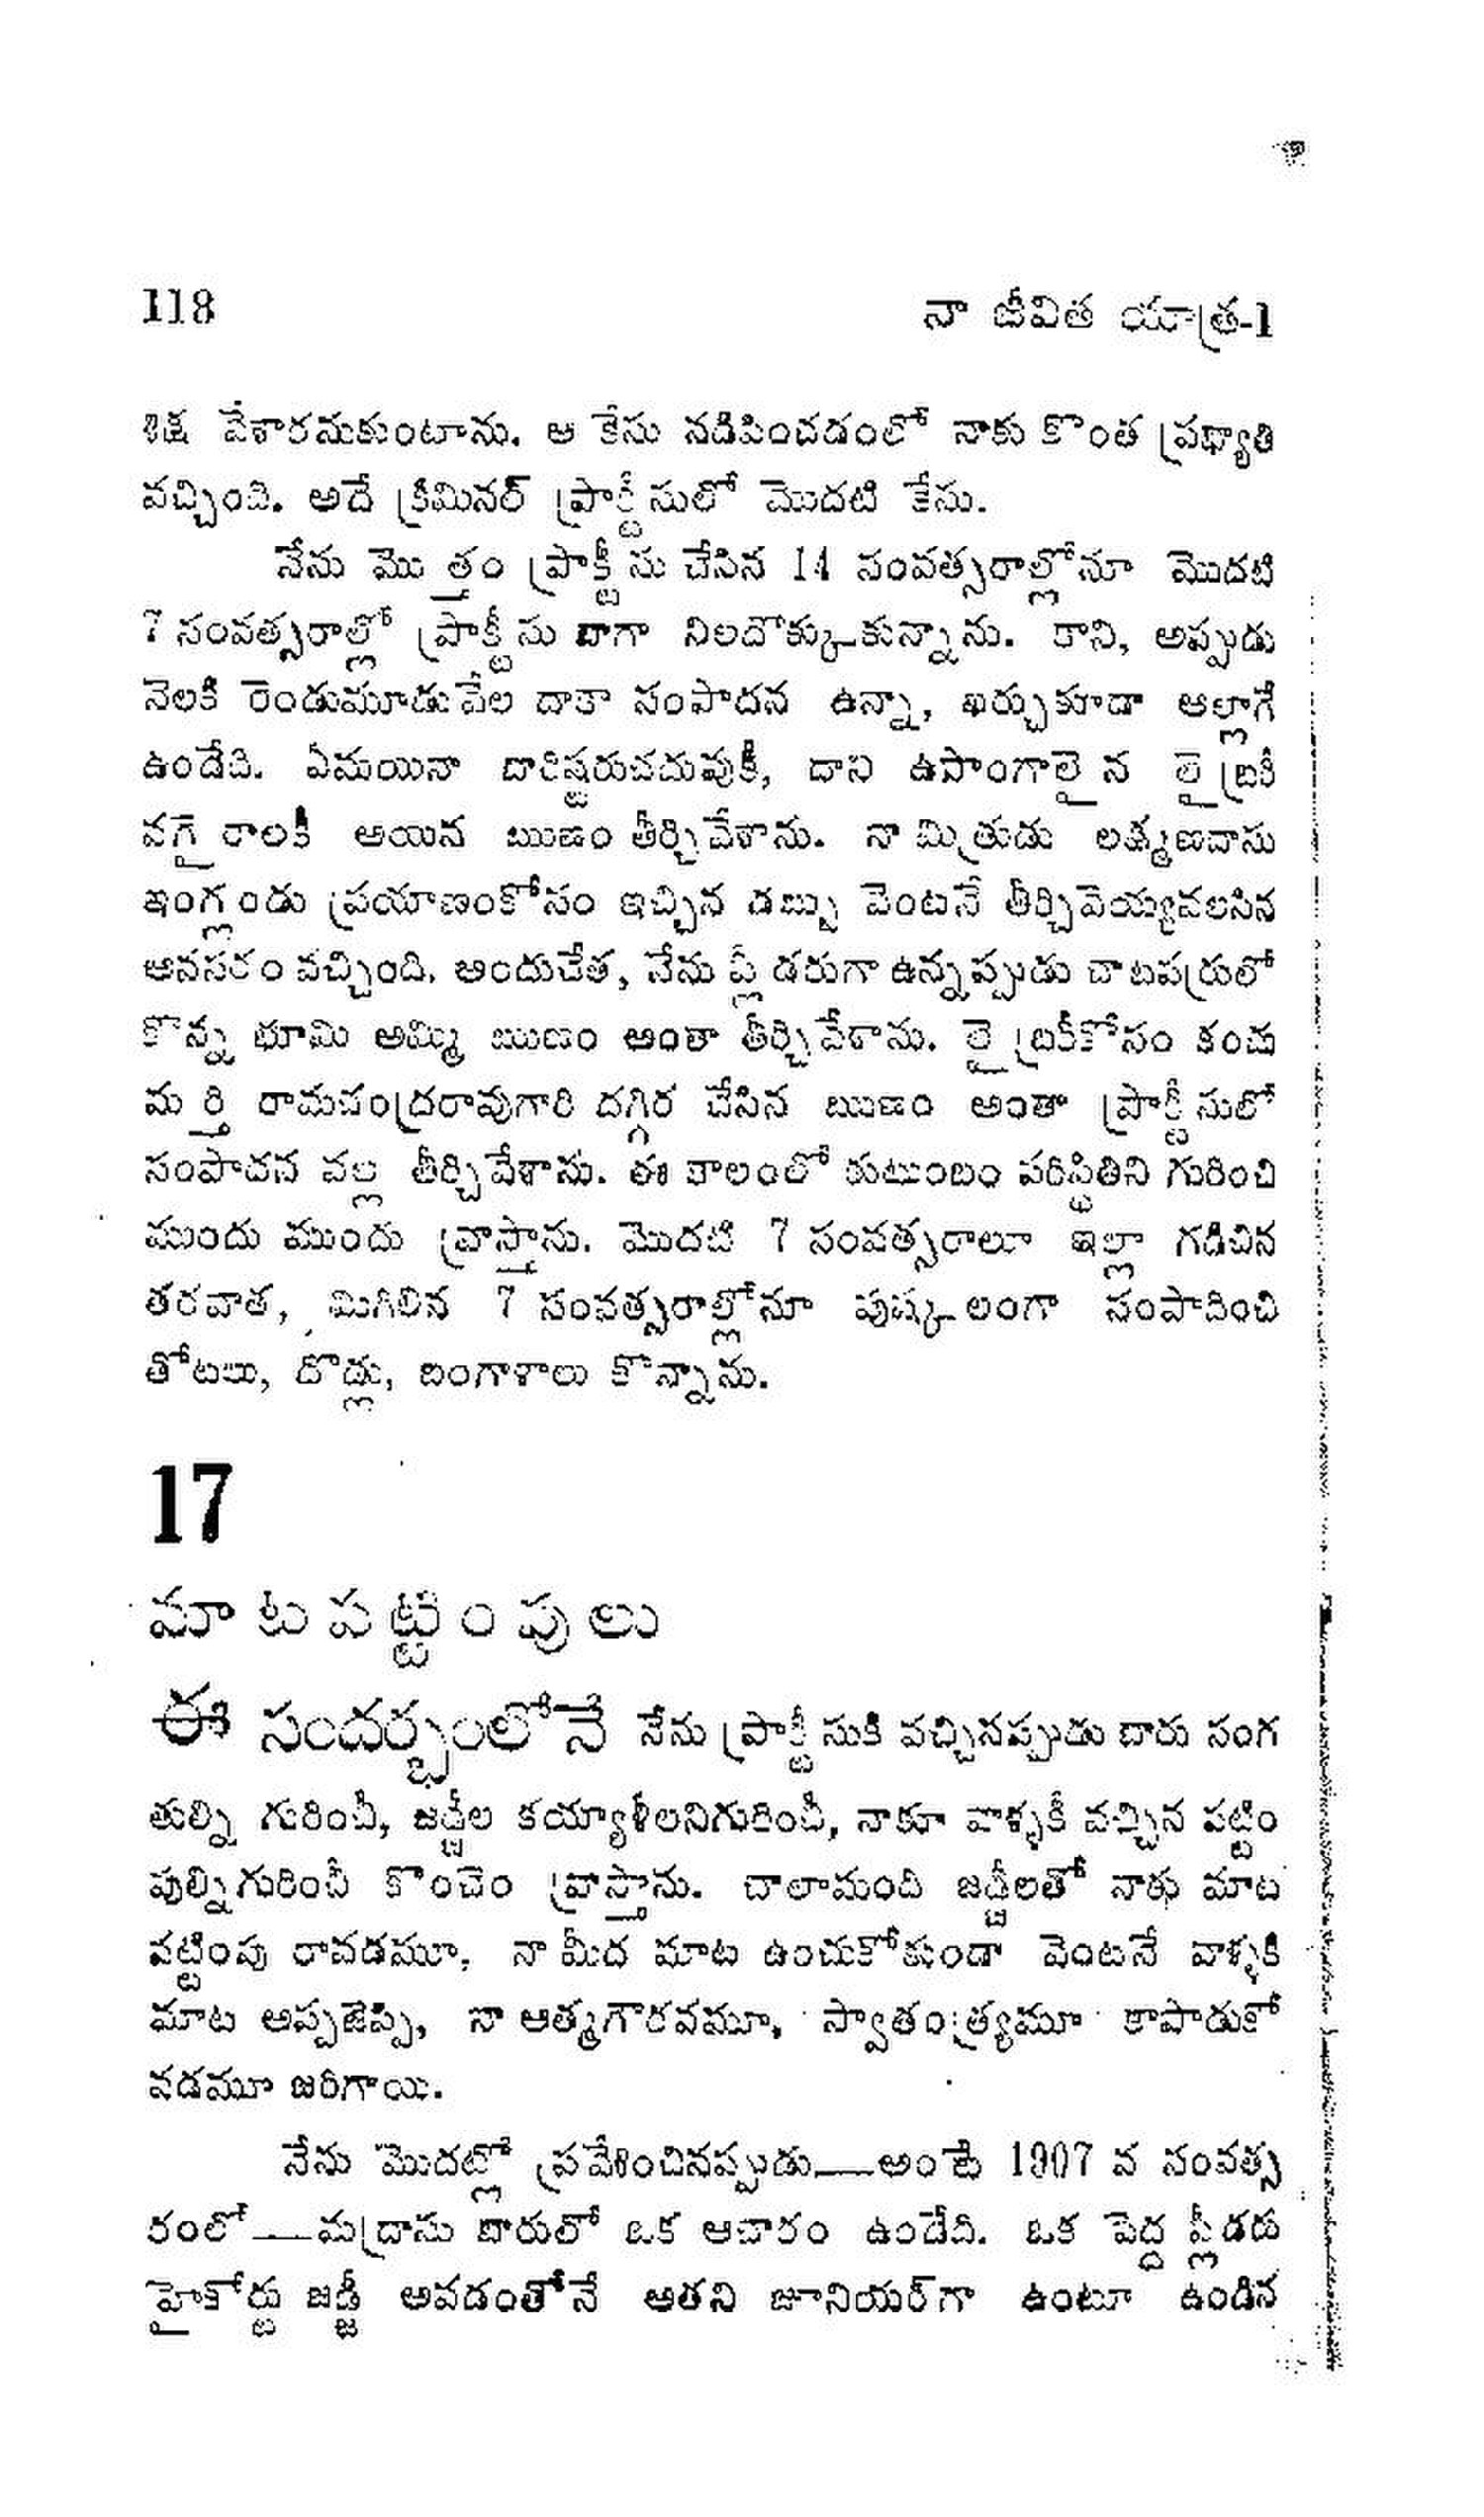శిక్ష వేశారనుకుంటాను. ఆ కేసు నడిపించడంలో నాకు కొంత ప్రఖ్యాతి వచ్చింది. అదే క్రిమినల్ ప్రాక్టీసులో మొదటి కేసు.

నేను మొత్తం ప్రాక్టీసు చేసిన 14 సంవత్సరాల్లోనూ మొదటి 7 సంవత్సరాల్లో ప్రాక్టీసు బాగా నిలదొక్కుకున్నాను. కాని, అప్పుడు నెలకి రెండుమూడువేల దాకా సంపాదన ఉన్నా, ఖర్చుకూడా అల్లాగే ఉండేది. ఏమయినా బారిష్టరుచదువుకీ, దాని ఉపాంగాలైన లైబ్రరీ వగైరాలకీ అయిన ఋణం తీర్చివేశాను. నా మిత్రుడు లక్ష్మణదాసు ఇంగ్లండు ప్రయాణంకోసం ఇచ్చిన డబ్బు వెంటనే తీర్చివెయ్యవలసిన అవసరం వచ్చింది. అందుచేత, నేను ప్లీడరుగా ఉన్నప్పుడు చాటపర్రులో కొన్న భూమి అమ్మి ఋణం అంతా తీర్చివేశాను. లైబ్రరీకోసం కంచుమర్తి రామచంద్రరావు గారి దగ్గిర చేసి ఋణం అంతా ప్రాక్టీసులో సంపాదన వల్ల తీర్చివేశాను. ఈ కాలంలో కుటుంబం పరిస్థితిని గురించి ముందు ముందు వ్రాస్తాను. మొదటి 7 సంవత్సరాలూ ఇల్లా గడిచిన తరవాత, మిగిలిన 7 సంవత్సరాల్లోనూ పుష్కలంగా సంపాదించి తోటలు, దొడ్లు, బంగాళాలు కొన్నాను.

ఈ సందర్భంలోనే నేను ప్రాక్టీసుకి వచ్చినప్పుడు బారు సంగతుల్ని గురించీ, జడ్జీల కయ్యాళీలనిగురించీ, నాకూ వాళ్ళకీ వచ్చిన పట్టింపుల్నిగురించీ కొంచెం వ్రాస్తాను. చాలామంది జడ్జీలతో నాకు మాట పట్టింపు రావడమూ, నా మీద మాట ఉంచుకోకుండా వెంటనే వాళ్ళకి మాట అప్పజెప్పి, నా ఆత్మగౌరవమూ, స్వాతంత్ర్యమూ కాపాడుకోవడమూ జరిగాయి.

నేను మొదట్లో ప్రవేశించినప్పుడు - అంటే 1907 వ సంవత్సరంలో - మద్రాసు బారులో ఒక ఆచారం ఉండేది. ఒక పెద్ద ప్లీడరు హైకోర్టు జడ్జీ అవడంతోనే అతని జూనియర్‌గా ఉంటూ ఉండిన